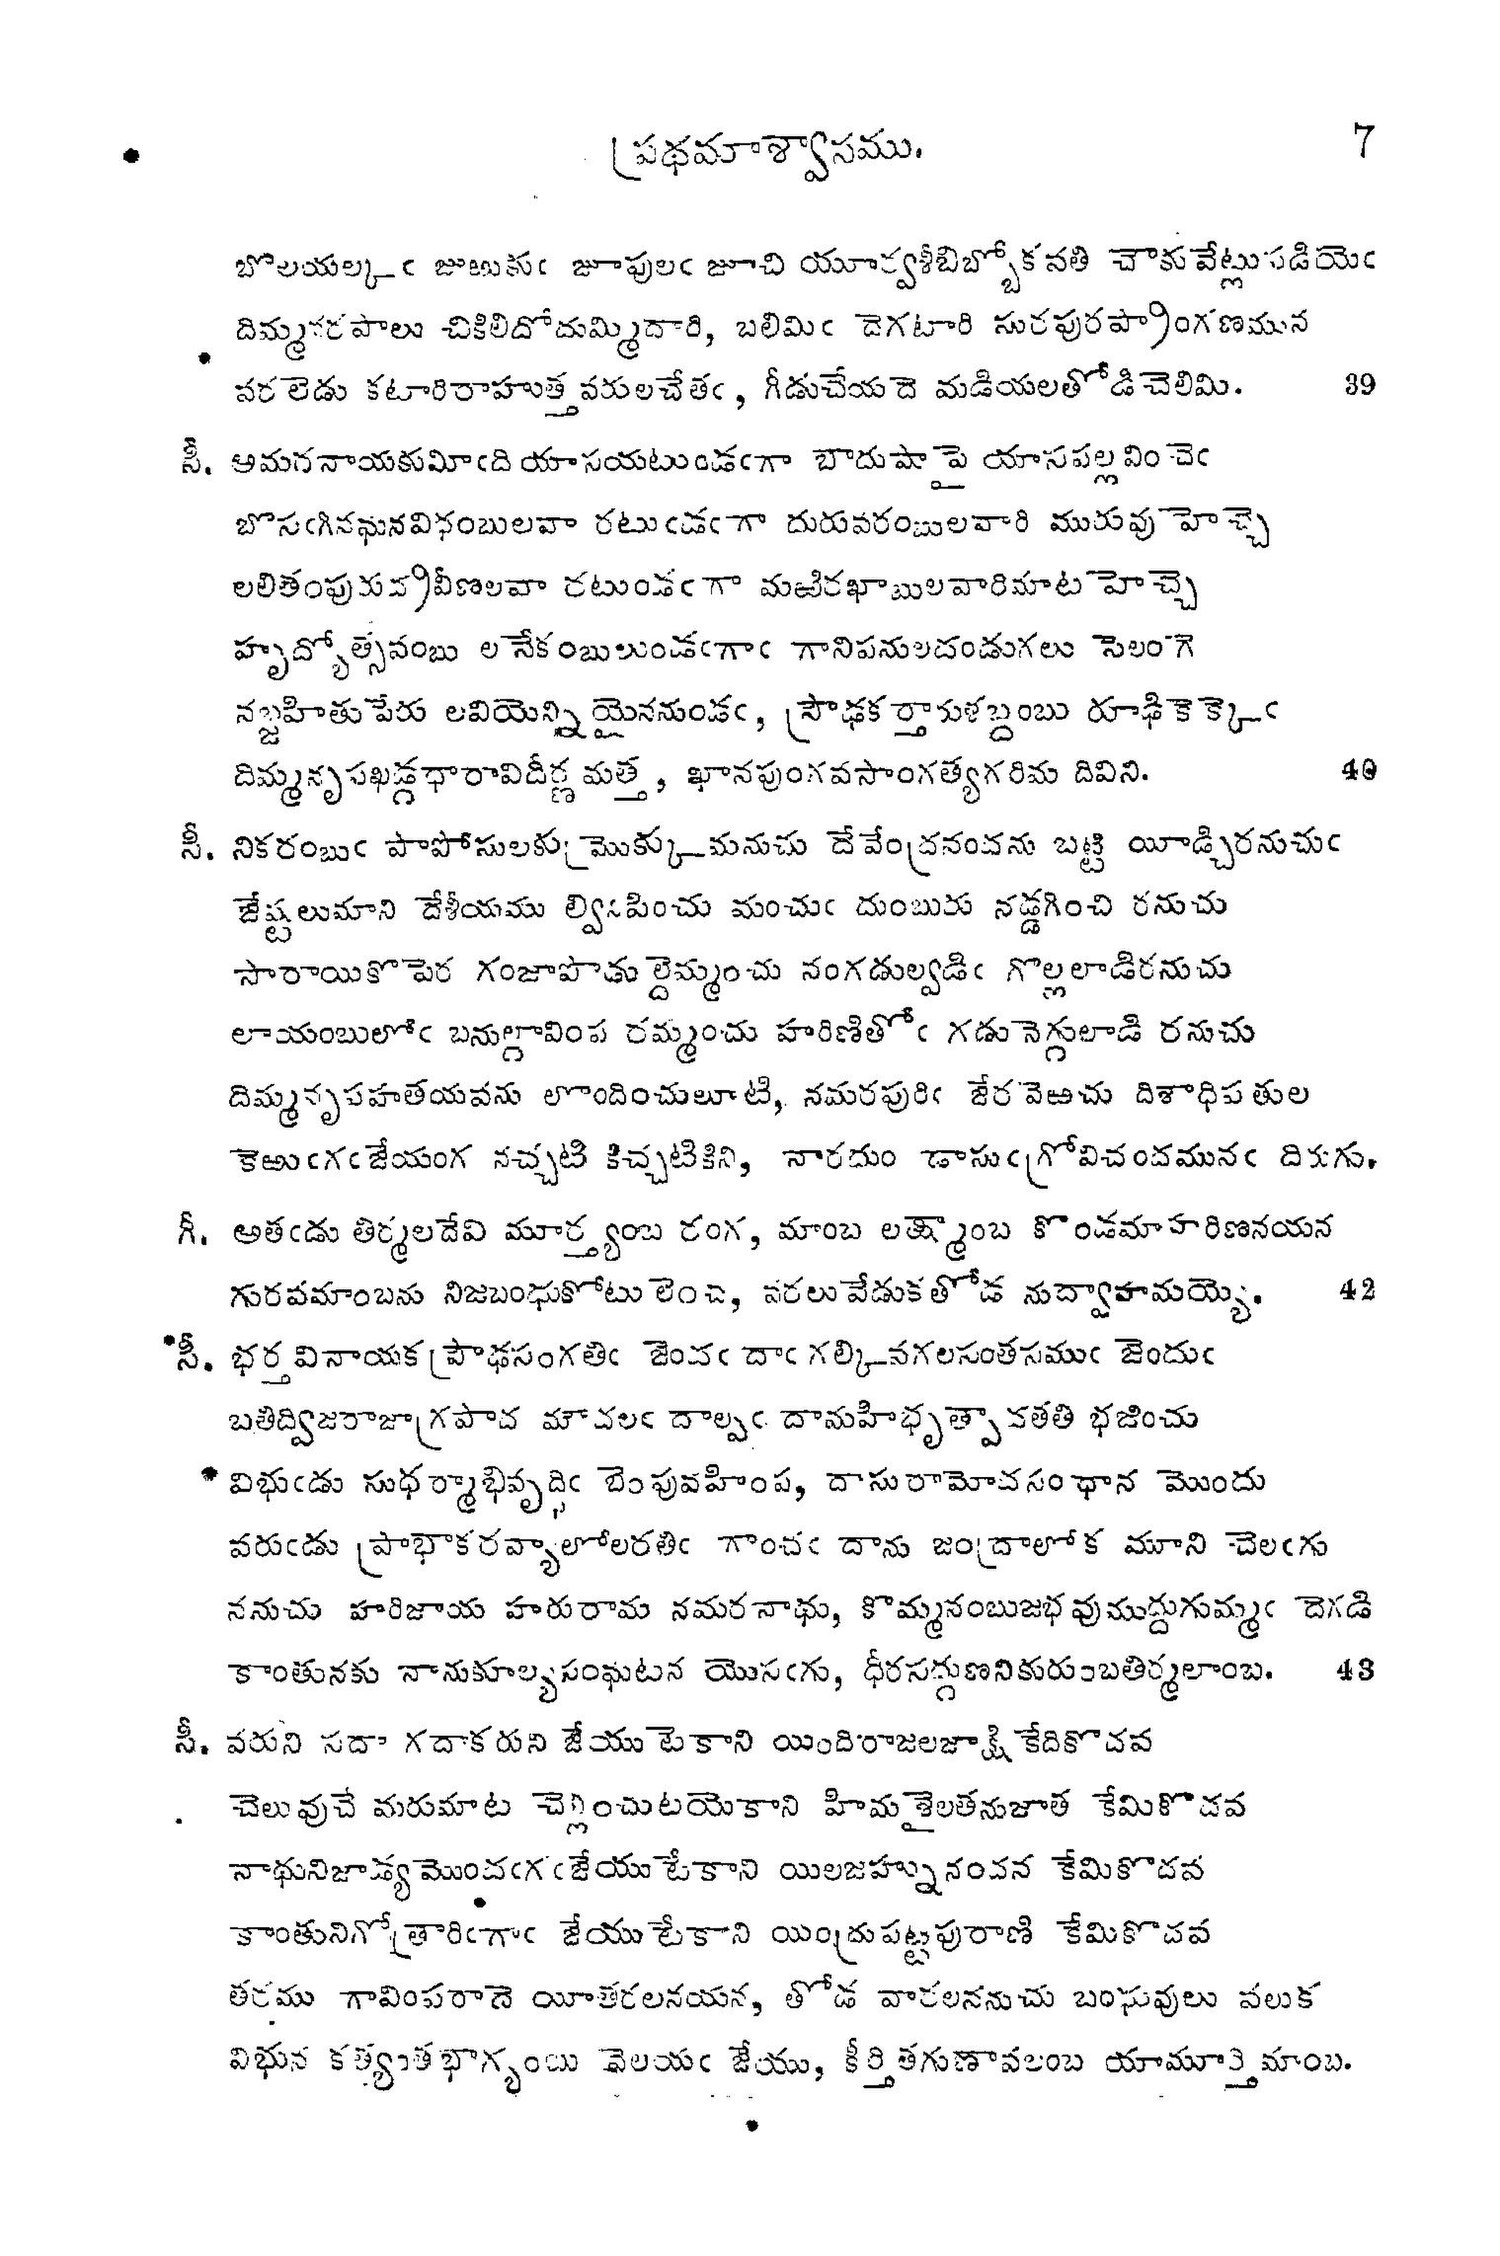బొలయల్కఁ జుఱుకుఁజూపులఁ జూచి యూర్వశీబిబ్బోకవతి చౌకువేట్లు పడియెఁ
దిమ్మనరపాలు చికిలిదోదుమ్మిదారి, బలిమిఁ దెగటారి సురపురప్రాంగణమున
నరలెడు కటారిరాహుత్తవరులచేతఁ, గీడుచేయదె మడియలతోడిచెలిమి.
సీ. అమరనాయకుమీఁది యాస యటుండఁగా బాదుషాపై యాస పల్లవించెఁ
బొసఁగినఘనవిధంబులవా రటుండఁగా దురువరంబులవారిమురువు హెచ్చె
లలితంపురుద్రవీణలవా రటుండఁగా మఱిరఖాబులవారిమాట హెచ్చె
హృద్యోత్సవంబు లనేకంబు లుండఁగాఁ గానిపనులదండుగలు సెలంగె
నబ్జహితుపేరు లవియెన్నియైన నుండఁ, ప్రౌఢకర్తారుశబ్దంబు రూఢికెక్కెఁ
దిమ్మనృపఖడ్గధారావిదీర్ఘమత్త, ఖానపుంగవసాంగత్యగరిమ దివిని.
సీ. నికరంబుఁ పాపోసులకు మ్రొక్కుమనుచు దేవేంద్రనందను బట్టి యీడ్చి రనుచుఁ
జేష్టలుమాని దేశీయము ల్వినిపించు మంచుఁ దుంబురు నడ్డగించి రనుచు
సారాయికొపెర గంజాపొడు ల్దెమ్మంచు నంగడు ల్వడిఁ గొల్లలాడి రనుచు
లాయంబులోఁ బను ల్గావింప రమ్మంచు హరిణితోఁ గడునెగ్గులాడి రనుచు
దిమ్మనృపహతయవను లొందించులూటి, నమరపురిఁ జేర వెఱచు దిశాధిపతుల
కెఱుఁగఁజేయంగ నచ్చటి కిచ్చటికిని, నారదుం డాసుఁగ్రోవిచందమునఁ దిరుగు.
గీ. అతఁడు తిర్మలదేవి మూర్త్యంబ రంగ, మాంబ లక్ష్మాంబ కొండమాహరిణనయన
గురవమాంబను నిజబంధుకోటు లెంచ, వరలువేడుకతోడ నుద్వాహమయ్యె.
సీ. భర్త వినాయకప్రౌఢసంగతిఁ జెందఁ దాఁ గల్కివగల సంతసముఁ జెందుఁ
బతి ద్విజరాజాగ్రపాద మౌదలఁ దాల్ప, దా మహిభృత్పాదతతి భజించు
విభుఁడు సుధర్మాభివృద్ధిఁ బెంపువహింప, దా సురామోదసంధాన మొందు
వరుఁడు ప్రాభాకరవ్యాలోలరతిఁ గాంచఁ దాను జంద్రాలోక మూని చెలఁగు
ననుచు హరిజాయ హరురామ నమరనాథు, కొమ్మనంబుజభవుముద్దుగుమ్మఁ దెగడి
కాంతునకు నానుకూల్యసంఘటన యొసఁగు, ధీరసద్గుణనికురుంబ తిర్మలాంబ.
సీ. వరుని సదా గదాకరుని జేయుటెకాని యిందిరాజలజాక్షి కేమి కొదవ
చెలువుచే మరుమాట చెల్లించుటయేకాని హిమశైలతనుజాత కేమి కొదవ
నాధునిజాడ్య మొందఁగఁజేయుటేకాని యిలజహ్నునందన కేమి కొదన
కాంతుని గోత్రారిఁగాఁ జేయుటేకాని యింద్రుపట్టపురాణి కేమి కొదవ
తరము గావింపరాదె యీతరలనయన, తోడ వారల ననుచు బంధువులు వలుక
విభున కత్యంతభాగ్యంబు వెలయఁజేయు, కీర్తితగుణావలంబ యామూర్తిమాంబ.